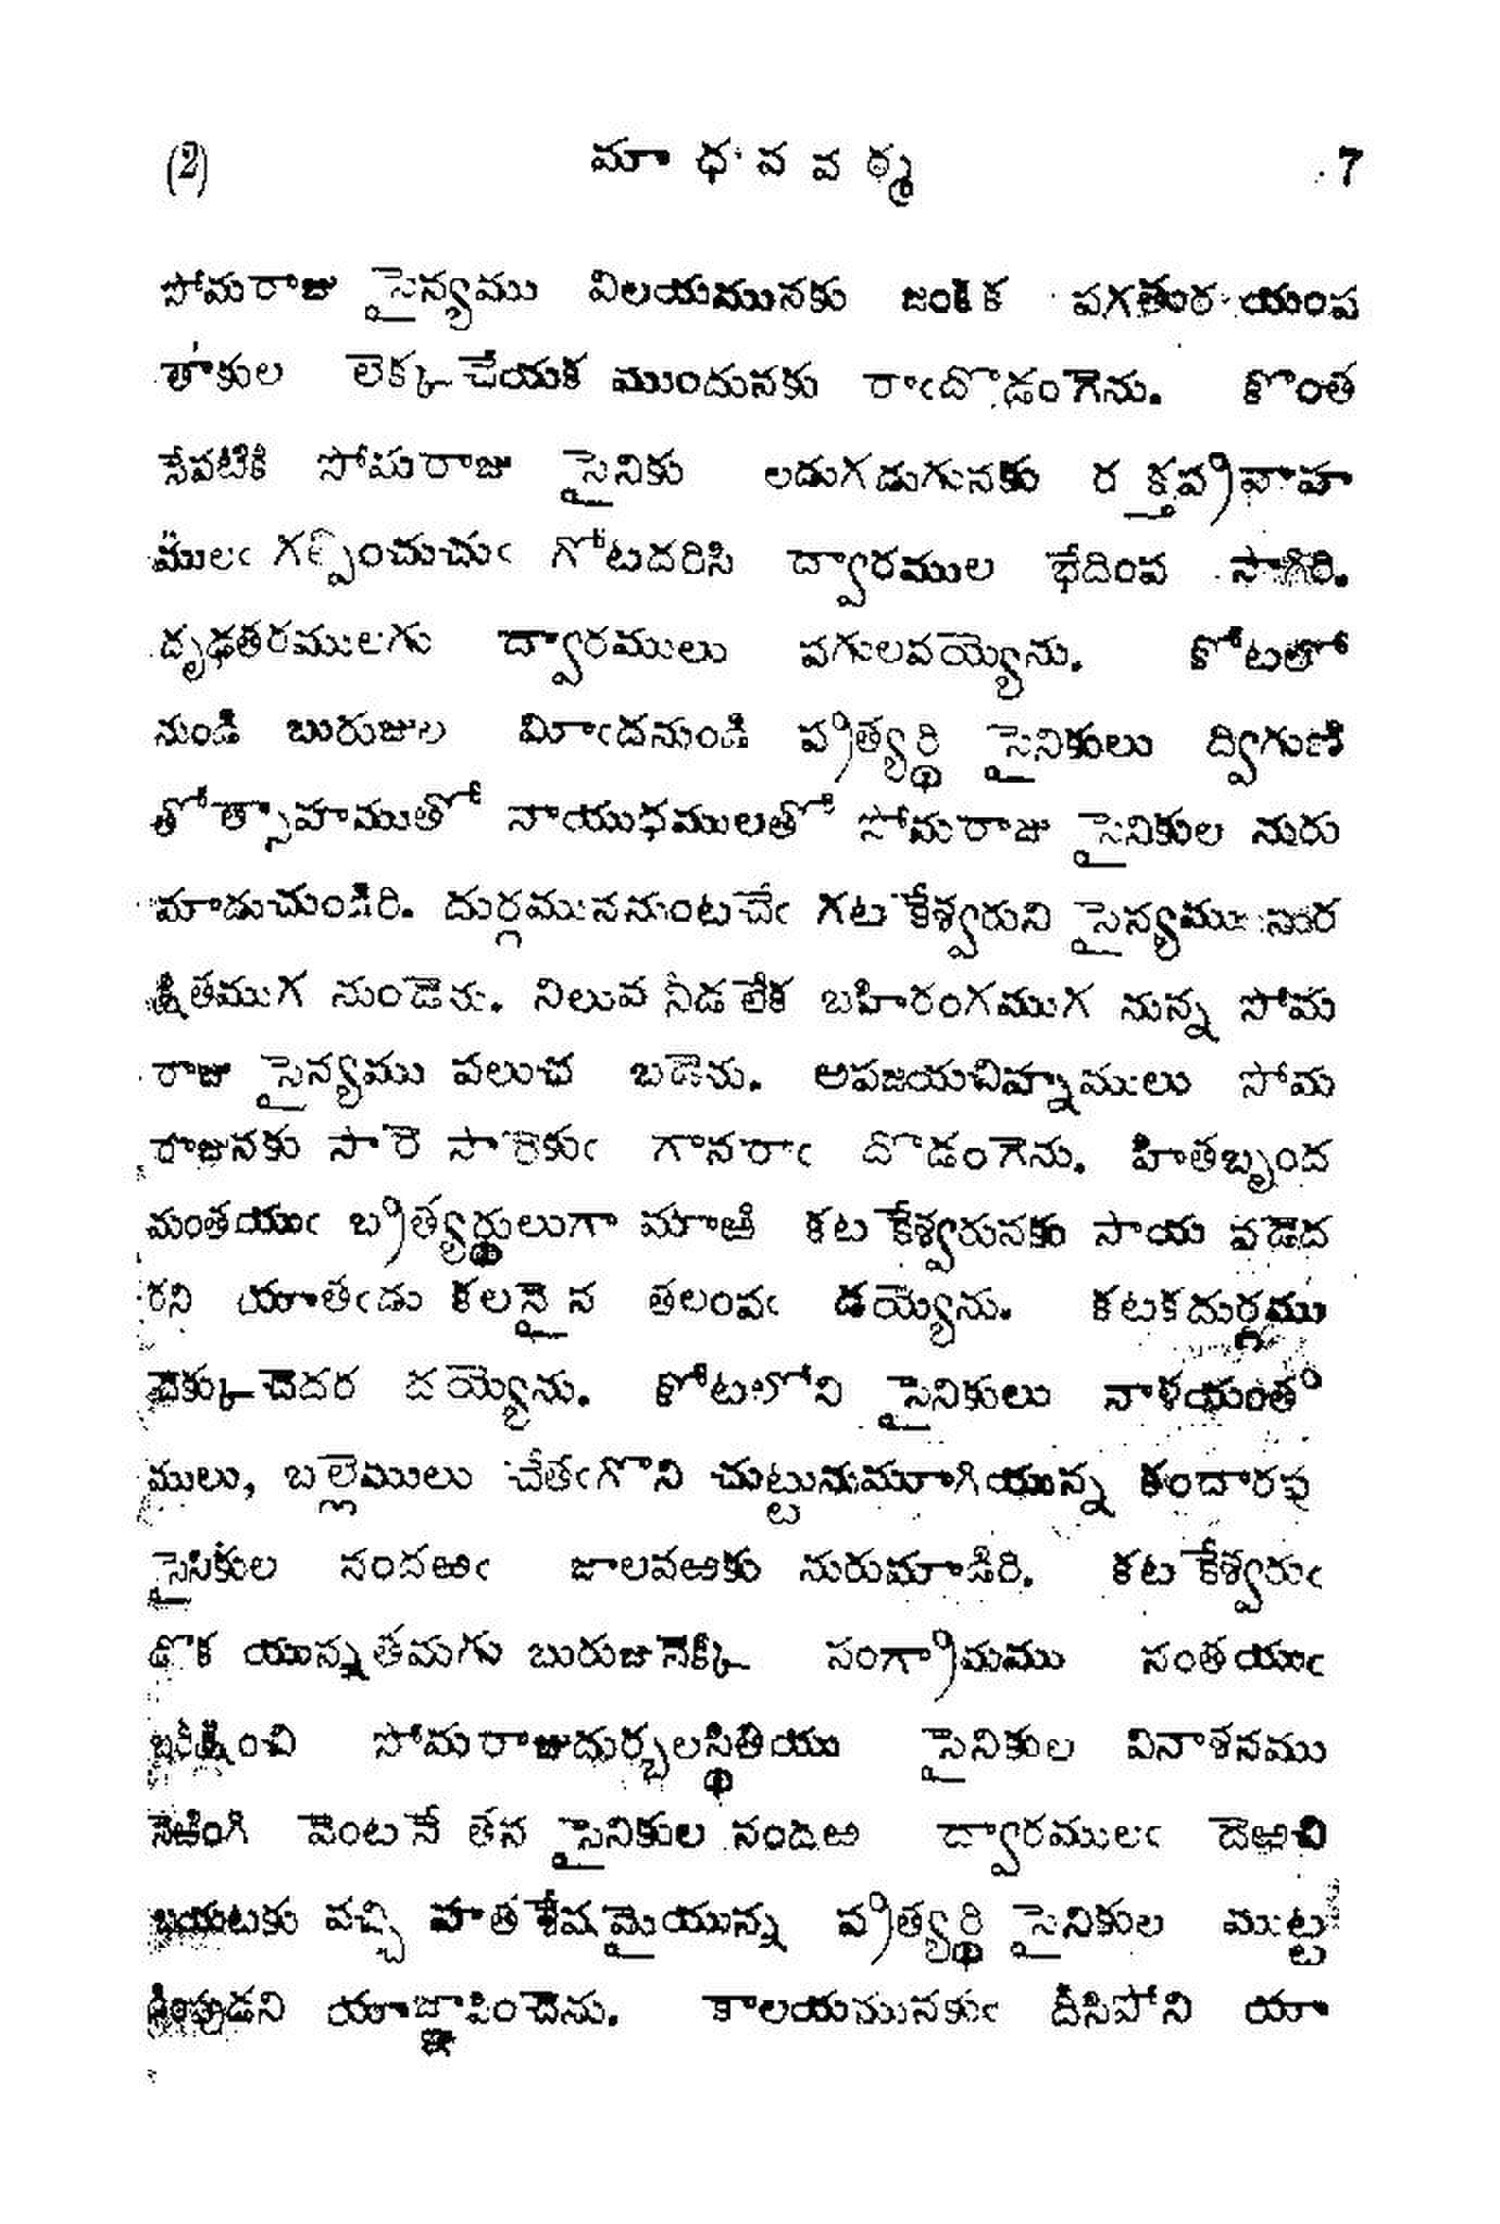(2)సోమరాజు సైన్యము విలయమునకు జంకక పగతుర యంపతాకుల లెక్కచేయక ముందునకు రాదొడ0గెను కొ0త సేపటికి సోమరాజు సైనికలడుగడుగునకు రక్తప్రవాహాములన్ కల్పించుచు గోటదరిసి ద్వారముల భేదింప సాగిరి.
ద్రుడతరములగు ద్వారములు పగులవయ్యెను. కోటలో నుండి బురుజుల మిద నుండి ప్రత్యర్ది సైనికులు ద్విగునితొత్సాహముతో నాయుధములతొ సొమరాజు సైనికుల నురుమాడుచుండిరి దుర్గముననుటచే గటకేశ్వరుని సైన్యము సంరక్షితముగ నుండెను. నిలువనీడ లేక బహిరంగముగ నున్న సోమరాజు సైన్యము పలుచ బదెను. అపజయచిహ్నములు సోమరాజునకు సారెకుగానరాదొడంగెను. హితబ్రుందమంతమున్ పత్యర్ద్యులుగా మారి కతకేశ్వరునకు సాయపడెదరని యతడుకలనైన తలంపడయ్యేను కటకదుర్గము చెక్కు చెదరదయ్యెను కోటలోని సైనికులు నలయంతములు బల్లెములు చేతగొని చుట్టునుమూగియున్న కందారపు సైనికుల నందర జాలవరకు నురుమాడిరి. కటకేశ్వరుడొక యున్నతమగు బురుజనెక్కి సంగ్రామము నంతయుబరిక్షించి సోమరాజుదుర్బలస్థియు సైనికుల వినాశనము నెరింగి వెంటనే తన సైనికులనందర ద్వారములన్ దెరచి బయటకు వచ్చి హతశేషమైయున్న ప్రత్యర్ధి సైనికుల ముట్టడింపుడని యాజ్నాపించెను . కాలయమునకు దీసిపోని యా